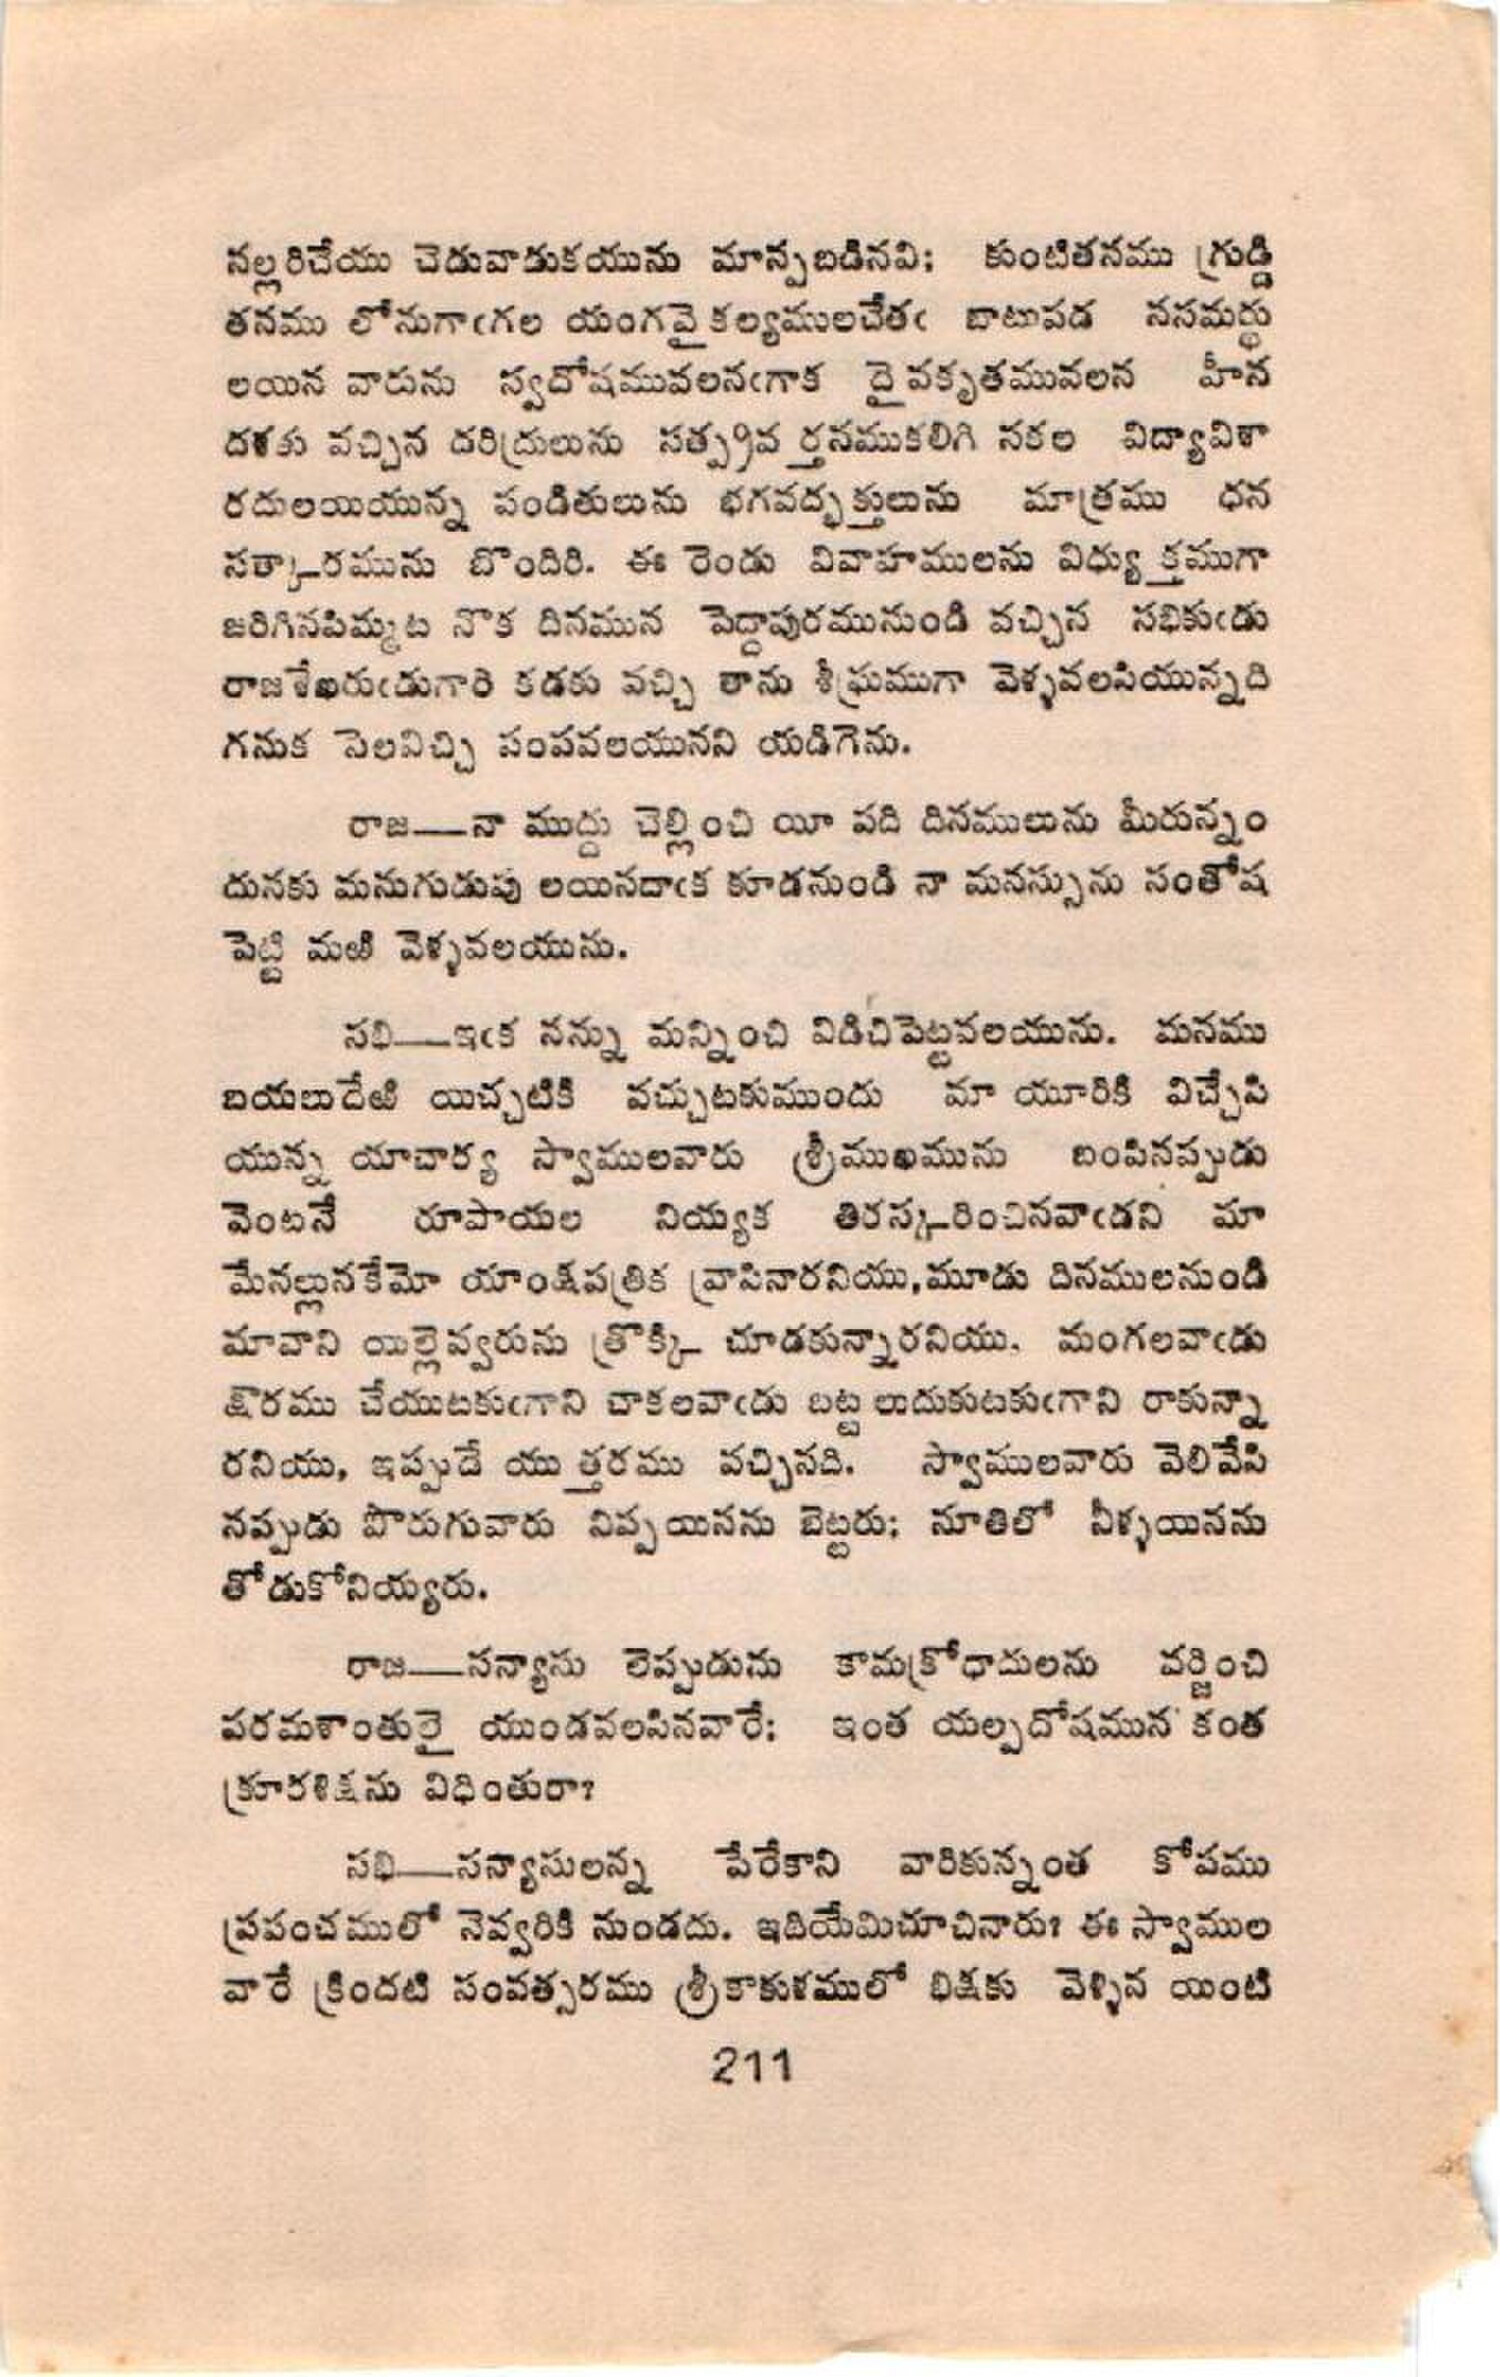నల్లరిచేయు చెడువాడుకయును మాన్పబడినవి; కంటితనము గ్రుడ్డి తనము లోనుగాఁగల యంగవైకల్యములచేతఁ బాటుపడ నసమర్థులయిన వారును స్వదోషమువలనఁగాక దైవకృతమువలన హీన దశకు వచ్చిన దరిద్రులును 
సత్ప్రవర్తనముకలిగి సకల విద్యావిశారదులయియున్న పండితులును భగవద్భక్తులను మాత్రము ధన సత్కారమును బొందిరి. ఈ రెండు వివాహములను విధ్యుక్తముగా జరిగిన పిమ్మట నొక దినమున పెద్దాపురమునుండి వచ్చిన సభికుఁడు రాజశేఖరుఁడుగారి కడకు వచ్చి తాను శీఘ్రముగా వెళ్ళవలసియున్నది గనుక సెలవిచ్చి పంపవలయునని యడిగెను.

రాజ__నా ముద్దు చెల్లించి యీ పది దినములను మీరున్నందునకు మనుగుడుపు లయినదాఁక కూడనుండి నా మనస్సును సంతోష పెట్టి మఱి వెళ్ళవలయును.

సభి__ఇఁక నన్ను మన్నించి విడిచిపెట్టవలయును. మనము బయలుదేఱి యిచ్చటికి వచ్చుటకుముందు మా యూరికి విచ్చేసి యున్న యాచార్య స్వాములవారు శ్రీముఖమును బంపినప్పుడు వెంటనే రూపాయల నియ్యక తిరస్కరించినవాఁడని మా మేనల్లున కేమో యాంక్షపత్రిక వ్రాసి నారనియు,మూడు దినములనుండి మావాని యిల్లెవ్వరును తొక్కి చూడకున్నారనియు, మంగలవాఁడు క్షౌరము చేయుటకుఁగాని చాకలవాఁడు బట్టలుదుకుటకుఁగాని రాకున్నా రనియు, ఇప్పడే యు త్తరము వచ్చినది. స్వాములవారు వెలివేసి నప్పుడు పొరుగువారు నిప్పయినను బెట్టరు; నూతిలో నీళ్ళయినను తోడుకోనియ్యరు.

రాజ__సన్యాసు లెప్పుడును కామక్రోధాదులను వర్ణించి పరమశాంతులై యుండవలసినవారే: ఇంత యల్పదోషమున కంత క్రూరశిక్షను విధింతురా?

సభి__సన్యాసులన్న పేరేకాని వారికున్నంత కోపము ప్రపంచములో నెవ్వరికి నుండదు. ఇదియేమిచూచినారు? ఈ స్వాముల వారే క్రిందటి సంవత్సరము శ్రీకాకుళములో భిక్షకు వెళ్ళిన యింటి